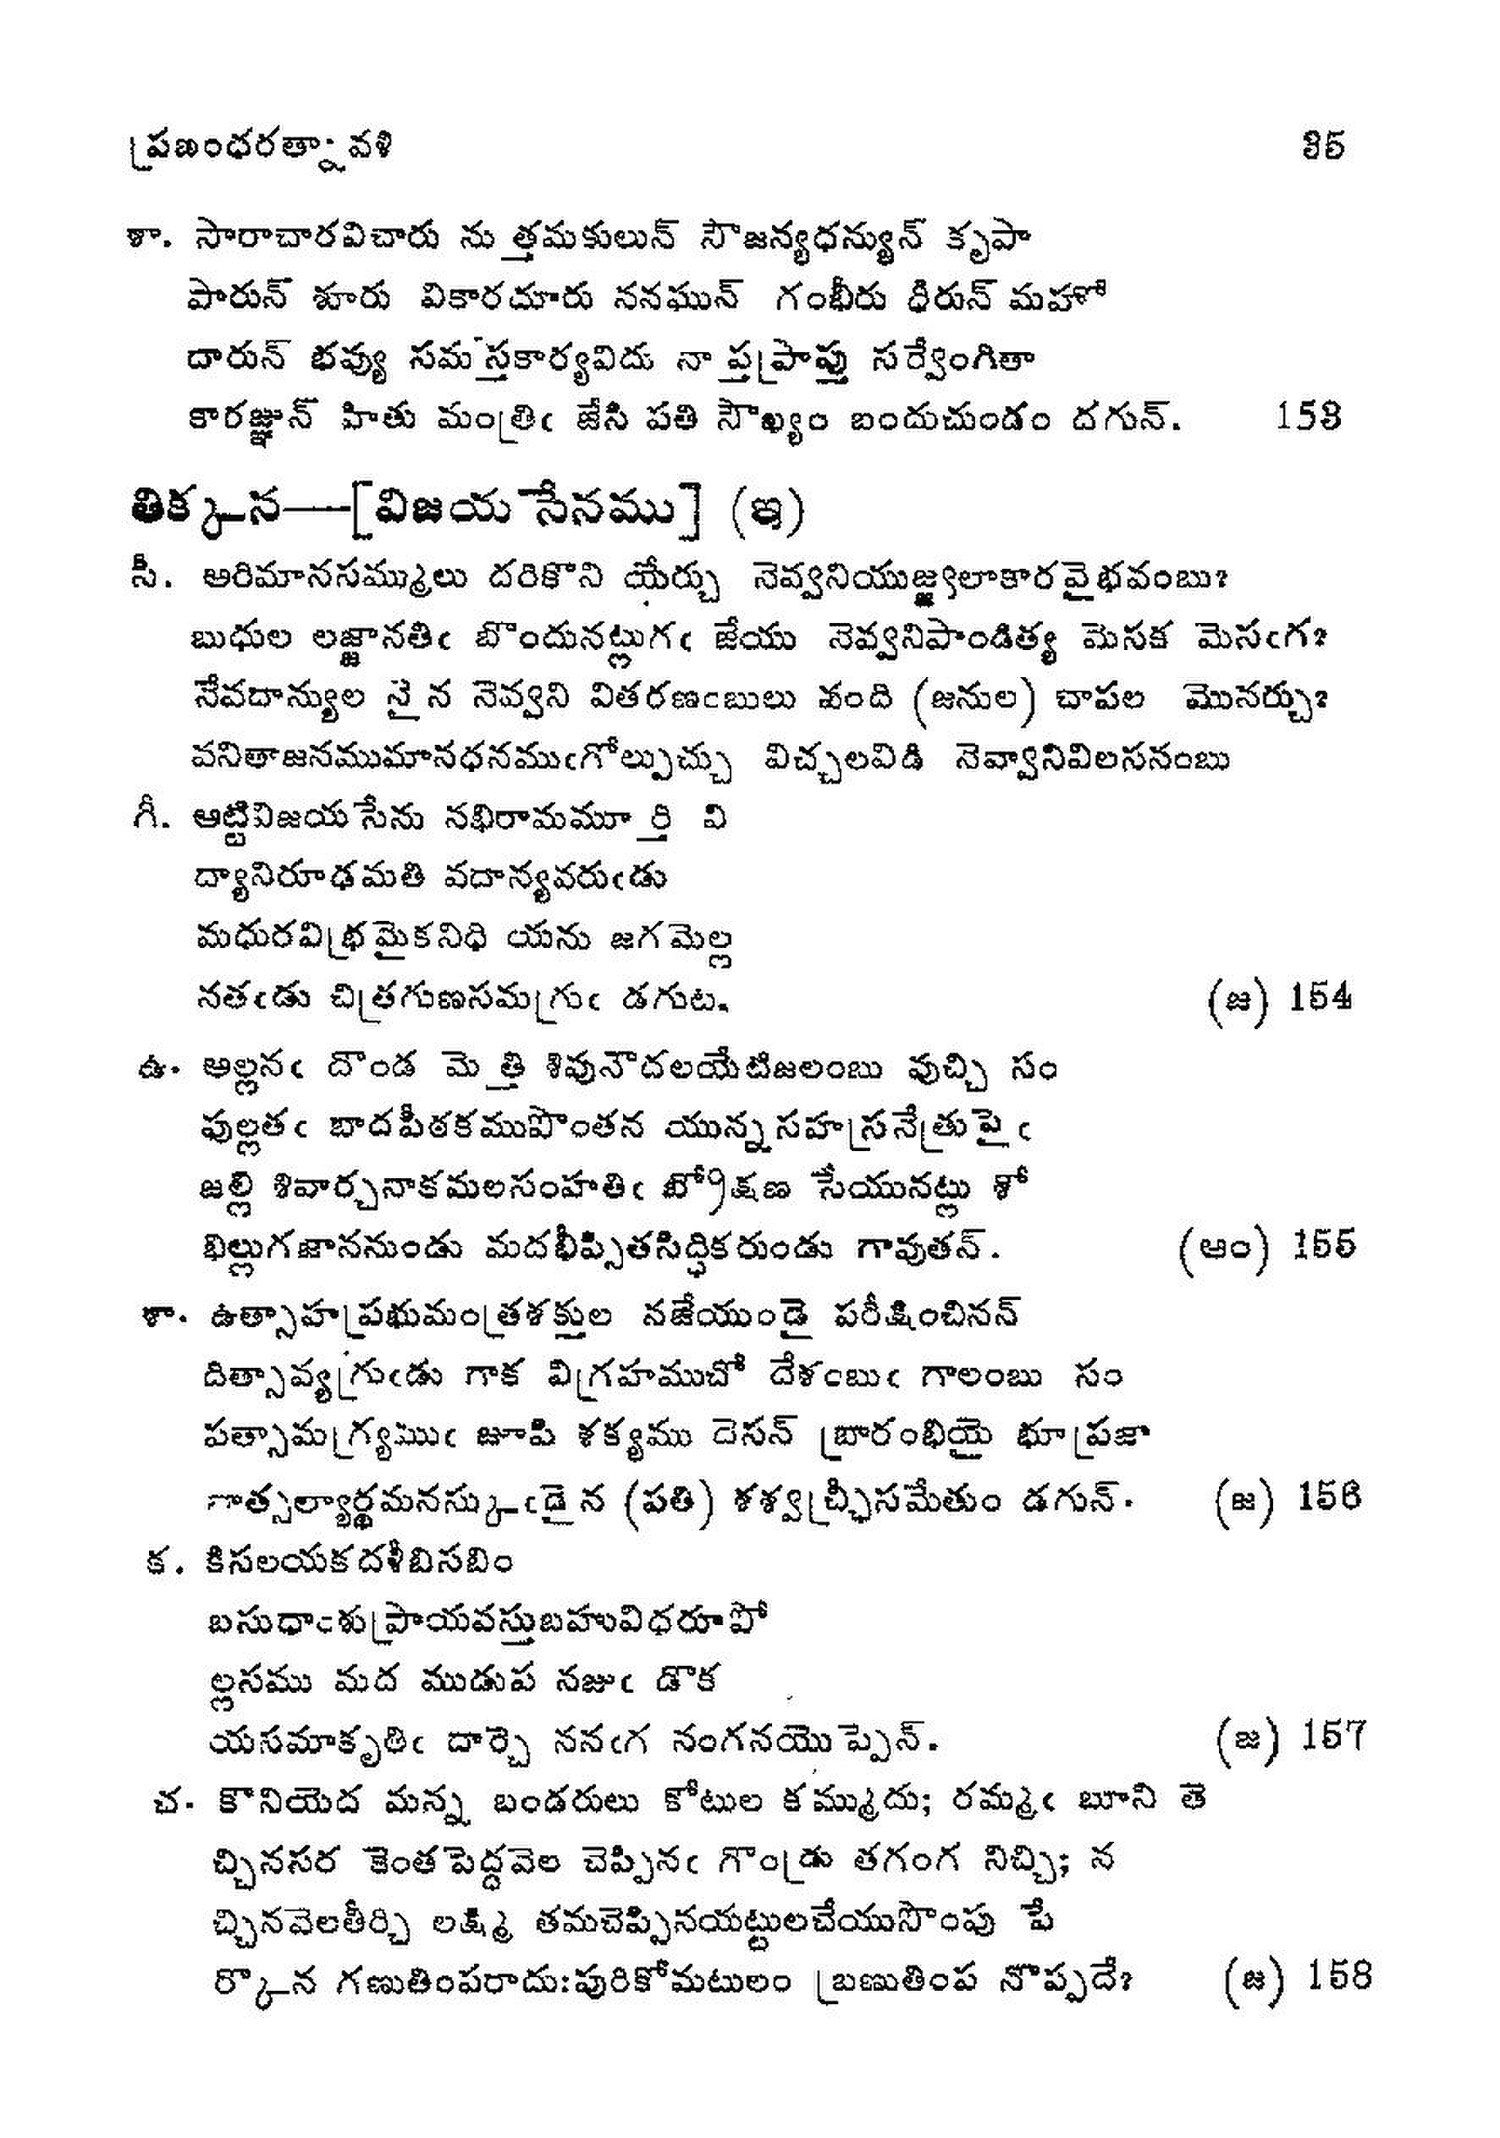శా. సారాచారవిచారు నుత్తమకులున్ సౌజన్యధన్యున్ గృపా
పారున్ శూరు వికారదూరు ననఘున్ గంభీరు ధీరు న్మహో
దారున్ భవ్యు సమస్తకార్యవిదు నాప్తప్రాప్తు నర్వేంగితా
కారజ్ఞున్ హితు మంత్రిఁ జేసి పతి సౌఖ్యం బందుచుండం దగున్. 153

తిక్కన [విజయసేనము] (ఇ)
సీ. అరిమానసమ్ములు దరికొని యేర్చు నె వ్వని యుజ్జ్వలాకారవైభవంబు?
బుధుల లజ్జానతిఁ బొందునట్లుగఁ జేయు నెవ్వని పాండిత్య మెసక మెసఁగ?
నే వదాన్యులనైన నెవ్వని వితరణం బులు వంది[జనుల] చాపల మొనర్చు?
వనితాజనము మానధనముఁ గోల్పుచ్చు వి చ్చలవిడి నెవ్వాని విలసనంబు?
ఆ. అట్టి విజయసేను నభిరామమూర్తి వి
ద్యానిరూఢమతి వదాన్యవరుఁడు
మధురవిభ్రమైకనిధి యను జగమెల్ల
నతఁడు చిత్రగుణసమగ్రుఁ డగుట. (జ) 154

ఉ. అల్లనఁ దొండ మెత్తి శివునౌఁదల యేటిజలంబు వుచ్చి సం
ఫుల్లతఁ బాదపీఠకము పొంతన యున్న సహస్రనేత్రుపైఁ
జల్లి శివార్చనాకమలసంహతిఁ బ్రోక్షణ సేయునట్లు శో
భిల్లు గజాననుండు మదభీప్సితసిద్థికరుండు గావుతన్. (ఆం) 155

శా. ఉత్సాహప్రభుమంత్రశక్తుల నజేయుండై పరీక్షించినన్
దిత్సావ్యగ్రుఁడు గాక వ్రిగహముచో దేశంబుఁ గాలంబు సం
వత్సామగ్ర్యముఁ జూపి శక్యము దెసన్ బ్రారంభియై భూప్రజా
వాత్సల్యార్థమనస్కుఁడైన [పతి] శశ్వచ్ఛ్రీసమేతుం డగున్. (జ) 156

క. కిసలయ కదళీబిస బిం
బ సుధాంశు ప్రాయవస్తుబహువిధరూపో
ల్లసము ముద ముడుప నజుఁ డొక
యసమాకృతిఁ దాల్చె ననఁగ నంగన యొప్పెన్. (జ) 157

చ. కొనియెద మన్న బండరులు కోటుల కమ్ముదు; రమ్మఁబూని తె
చ్చిన సరకెంత పెద్ద వెల సెప్పినఁ గొండ్రు తగంగ నిచ్చి న
చ్చిన వెల తీర్చి లక్ష్మి తమ చెప్పిన యట్టుల చేయుసొంపు పే
ర్కొన గణుతింపరాదు, పురికోమటులం బ్రణుతింప నొప్పదే? (జ) 158